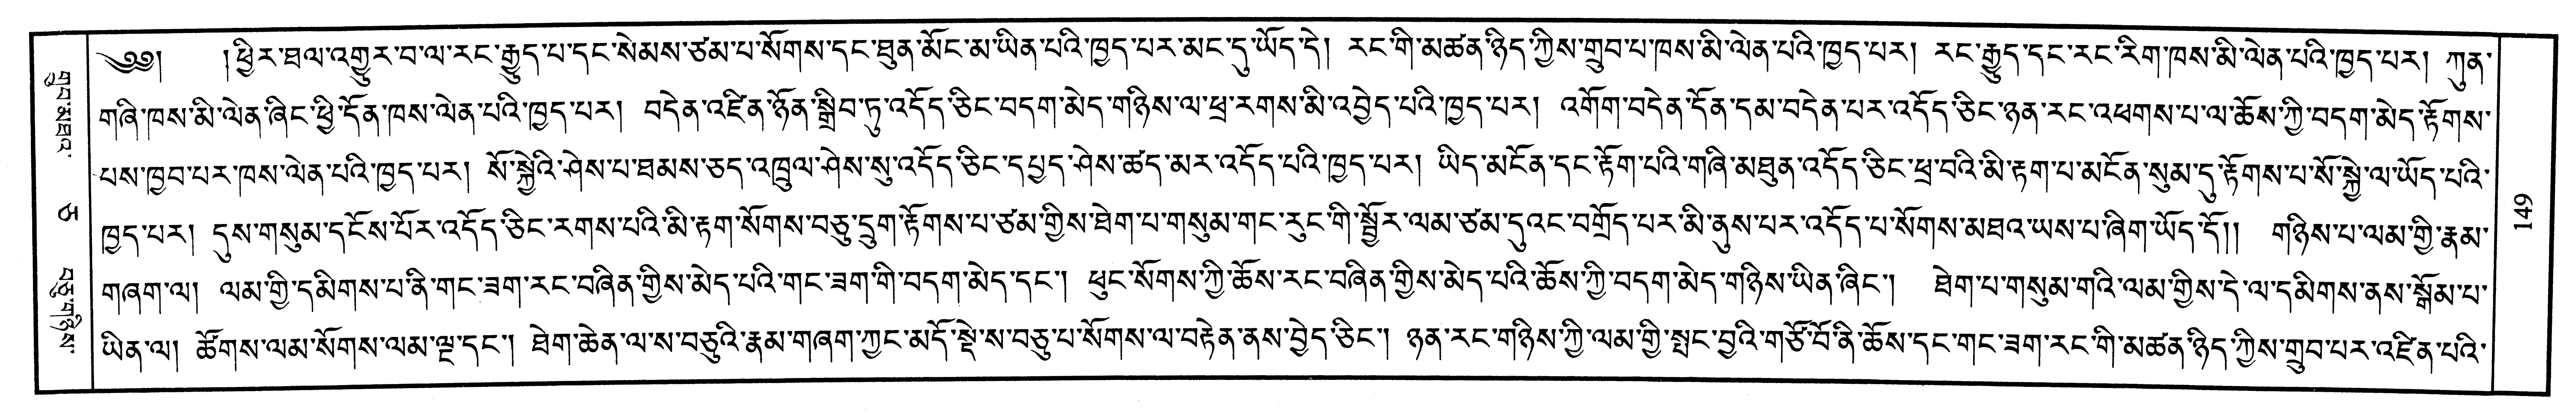༄༅། །ཕྱིར་ཐལ་འགྱུར་བ་ལ་རང་རྒྱུད་པ་དང་སེམས་ཙམ་པ་སོགས་དང་ཐུན་མོང་མ་ཡིན་པའི་ཁྱད་པར་མང་དུ་ཡོད་དེ། རང་གི་མཚན་ཉིད་ཀྱིས་གྲུབ་པ་ཁས་མི་ལེན་པའི་ཁྱད་པར། རང་རྒྱུད་དང་རང་རིག་ཁས་མི་ལེན་པའི་ཁྱད་པར། ཀུན་
གཞི་ཁས་མི་ལེན་ཞིང་ཕྱི་དོན་ཁས་ལེན་པའི་ཁྱད་པར། བདེན་འཛིན་ཉོན་སྒྲིབ་ཏུ་འདོད་ཅིང་བདག་མེད་གཉིས་ལ་ཕྲ་རགས་མི་འབྱེད་པའི་ཁྱད་པར། འགོག་བདེན་དོན་དམ་བདེན་པར་འདོད་ཅིང་ཉན་རང་འཕགས་པ་ལ་ཆོས་ཀྱི་བདག་མེད་རྟོགས་
པས་ཁྱབ་པར་ཁས་ལེན་པའི་ཁྱད་པར། སོ་སྐྱེའི་ཤེས་པ་ཐམས་ཅད་འཁྲུལ་ཤེས་སུ་འདོད་ཅིང་དཔྱད་ཤེས་ཚད་མར་འདོད་པའི་ཁྱད་པར། ཡིད་མངོན་དང་རྟོག་པའི་གཞི་མཐུན་འདོད་ཅིང་ཕྲ་བའི་མི་རྟག་པ་མངོན་སུམ་དུ་རྟོགས་པ་སོ་སྐྱེ་ལ་ཡོད་པའི་
ཁྱད་པར། དུས་གསུམ་དངོས་པོར་འདོད་ཅིང་རགས་པའི་མི་རྟག་སོགས་བཅུ་དྲུག་རྟོགས་པ་ཙམ་གྱིས་ཐེག་པ་གསུམ་གང་རུང་གི་སྦྱོར་ལམ་ཙམ་དུའང་བགྲོད་པར་མི་ནུས་པར་འདོད་པ་སོགས་མཐའ་ཡས་པ་ཞིག་ཡོད་དོ།། གཉིས་པ་ལམ་གྱི་རྣམ་
གཞག་ལ། ལམ་གྱི་དམིགས་པ་ནི་གང་ཟག་རང་བཞིན་གྱིས་མེད་པའི་གང་ཟག་གི་བདག་མེད་དང་། ཕུང་སོགས་ཀྱི་ཆོས་རང་བཞིན་གྱིས་མེད་པའི་ཆོས་ཀྱི་བདག་མེད་གཉིས་ཡིན་ཞིང་། ཐེག་པ་གསུམ་གའི་ལམ་གྱིས་དེ་ལ་དམིགས་ནས་སྒོམ་པ་
ཡིན་ལ། ཚོགས་ལམ་སོགས་ལམ་ལྔ་དང་། ཐེག་ཆེན་ལ་ས་བཅུའི་རྣམ་གཞག་ཀྱང་མདོ་སྡེ་ས་བཅུ་པ་སོགས་ལ་བརྟེན་ནས་བྱེད་ཅིང་། ཉན་རང་གཉིས་ཀྱི་ལམ་གྱི་སྤང་བྱའི་གཙོ་བོ་ནི་ཆོས་དང་གང་ཟག་རང་གི་མཚན་ཉིད་ཀྱིས་གྲུབ་པར་འཛིན་པའི་